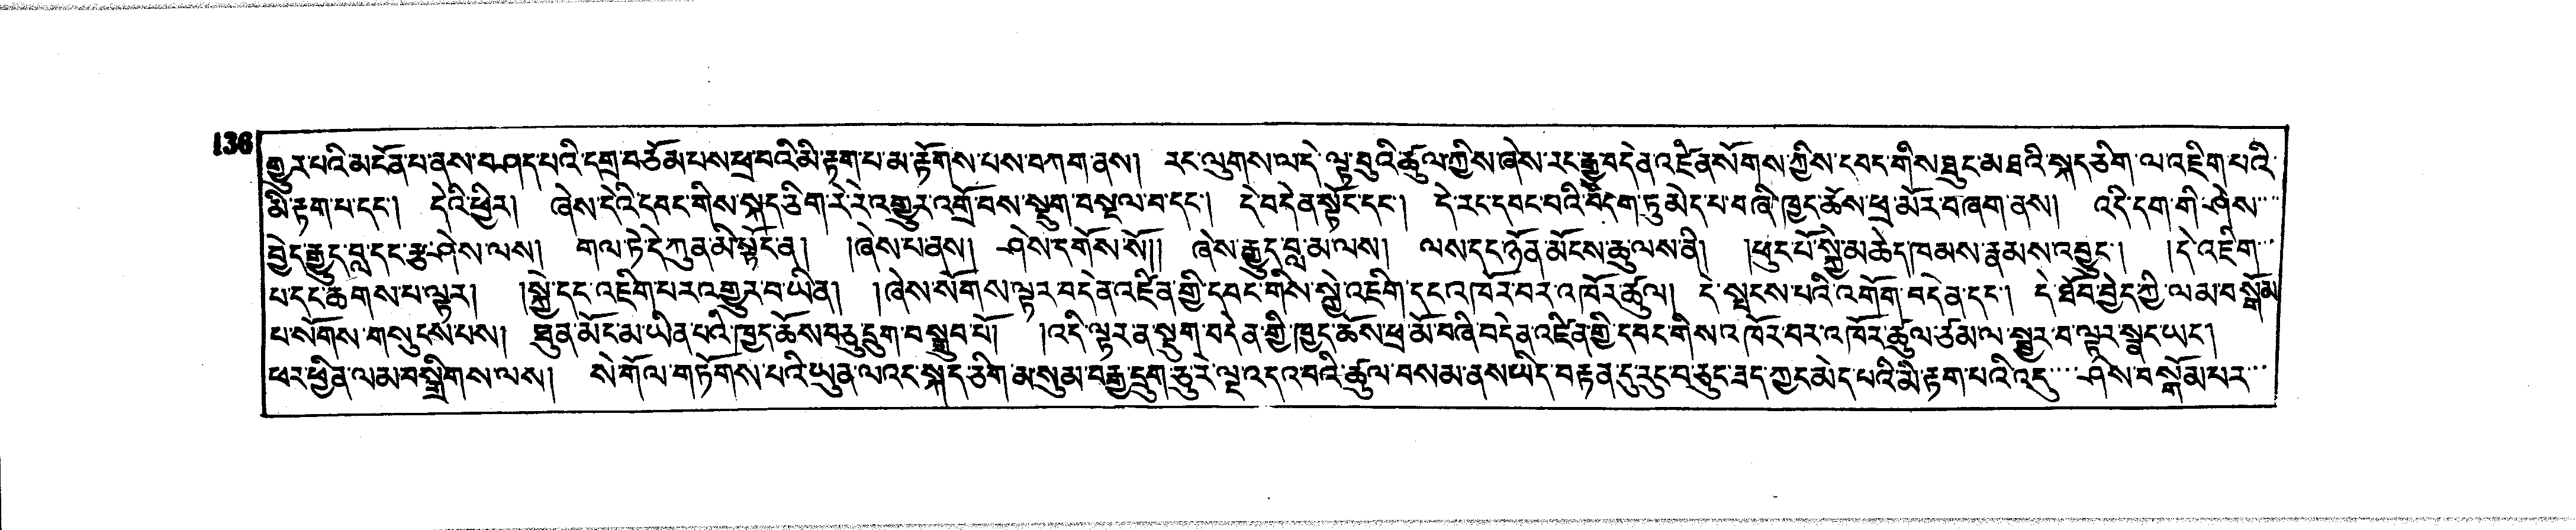གྱུར་པའི་མངོན་པ་ནས་བཤད་པའི་དགྲ་བཅོམ་པས་ཕྲ་བའི་མི་རྟག་པ་མ་རྟོགས་པས་བཀག་ནས། རང་ལུགས་ལ་དེ་ལྟ་བུའི་ཚུལ་ཀྱིས་ཞེས་རང་རྒྱུ་བདེན་འཛིན་སོགས་ཀྱིས་དབང་གིས་ཐུང་མཐའི་སྐད་ཅིག་ལ་འཇིག་པའི་
མི་རྟག་པ་དང་། དེའི་ཕྱིར། ཞེས་དེའི་དབང་གིས་སྐད་ཅིག་རེ་རེ་འགྱུར་འགྲོ་བས་སྡུག་བསྔལ་བ་དང་། དེ་བདེན་སྟོང་དང་། དེ་རང་དབང་པའི་བདག་ཏུ་མེད་པ་བཞི་ཁྱད་ཆོས་ཕྲ་མོར་བཞག་ནས། འདི་དག་གི་ཤེས་
བྱེད་རྒྱུད་བླ་དང་རྩ་ཤེས་ལས། གལ་ཏེ་དེ་ཀུན་མི་སྟོང་ན། །ཞེས་པ་ནས། ཤེས་དགོས་སོ། །ཞེས་རྒྱུད་བླ་མ་ལས། ལས་དང་ཉོན་མོངས་ཆུ་ལས་ནི། །ཕུང་པོ་སྐྱེ་མཆེད་ཁམས་རྣམས་འབྱུང་། །དེ་འཇིག་
པ་དང་ཆགས་པ་ལྟར། །སྐྱེ་དང་འཇིག་པར་འགྱུར་བ་ཡིན། །ཞེས་སོགས་ལྟར་བདེན་འཛིན་གྱི་དབང་གིས་སྐྱེ་འཇིག་དང་འཁོར་བར་འཁོར་ཚུལ། དེ་སྤངས་པའི་འགོག་བདེན་དང་། དེ་ཐོབ་བྱེད་ཀྱི་ལམ་བསྒོམ་
པ་སོགས་གསུངས་པས། ཐུན་མོང་མ་ཡིན་པའི་ཁྱད་ཆོས་བཅུ་དྲུག་བསྒྲུབ་པོ། །འདི་ལྟར་ན་སྡུག་བདེན་གྱི་ཁྱད་ཆོས་ཕྲ་མོ་བཞི་བདེན་འཛིན་གྱི་དབང་གིས་འཁོར་བར་འཁོར་ཚུལ་ཙམ་ལ་སྦྱར་བ་ལྟར་སྣང་ཡང་།
ཕར་ཕྱིན་ལམ་བསྒྲིགས་ལས། སེ་གོལ་གཏོགས་པའི་ཡུན་ལའང་སྐད་ཅིག་མ་སུམ་བརྒྱ་དྲུག་ཅུ་རེ་ལྔ་འདའ་བའི་ཚུལ་བསམ་ནས་ཡིད་བརྟན་དུ་རུང་བ་ཅུང་ཟད་ཀྱང་མེད་པའི་མི་རྟག་པའི་འདུ་ཤིས་བསྒོམ་པར་